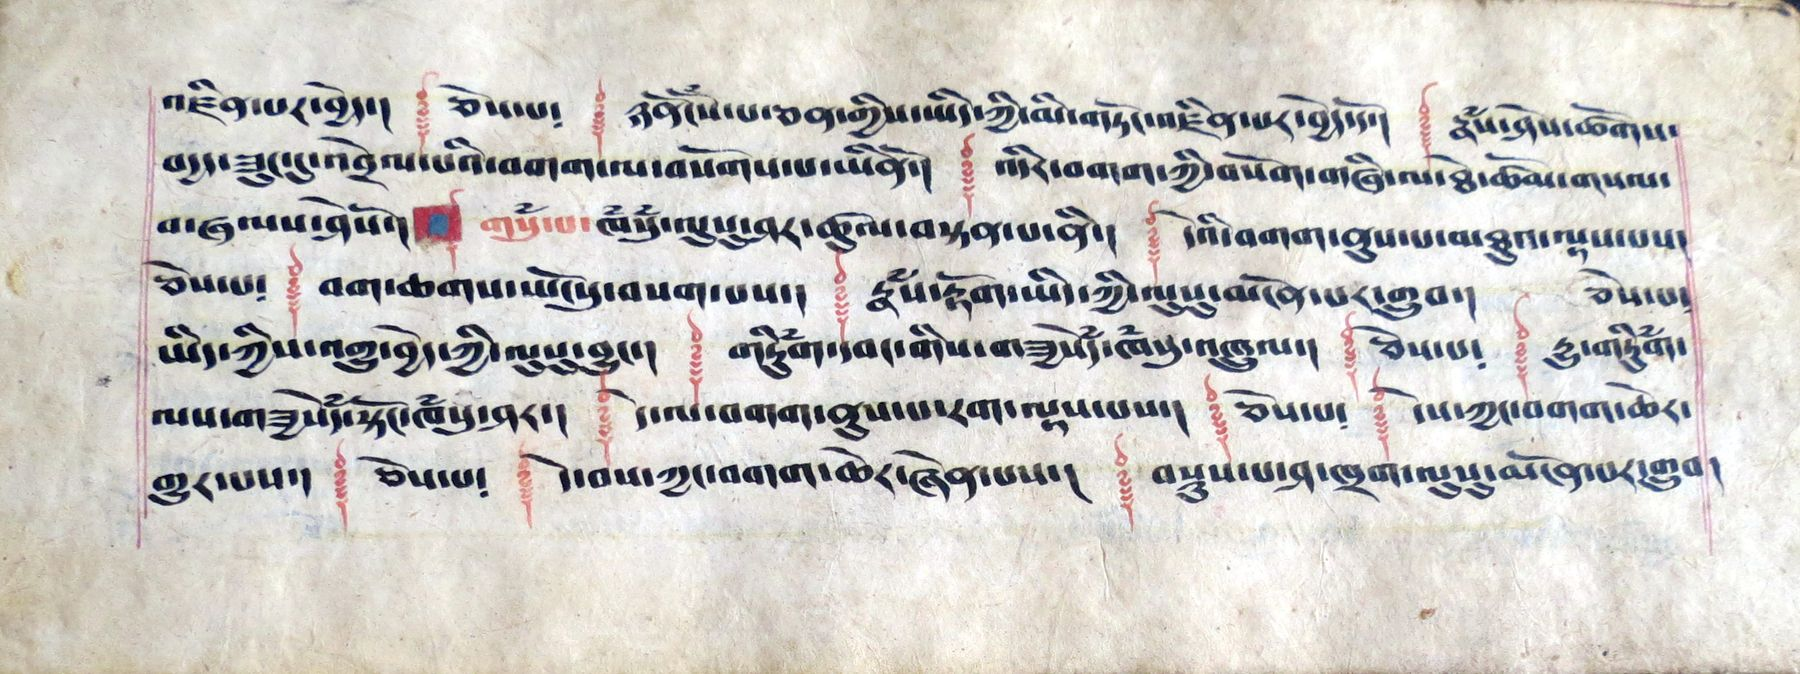འཛིན་པར་བྱེད། །ཅེས་པས། ཉོན་མོངས་པ་ཅན་གྱི་ཡིད་ཀྱིས་མི་གཏོང་འཛིན་པར་བྱེད་དོ། །དེ་ལྟར་བག་ཆགས་སོག་པ་དེ། རྣམ་ཤེས་ཚོགས་
བརྒྱད་ཟུང་དུ་འབྲེལ་བའི་བག་ལ་སོག་པ་ཡིན་ནོ། །འདིར་བག་ཆགས་ཀྱི་སོག་གཞི་ལ་ཐེ་ཚོམ་བསལ་
བ་ཞལ་ལས་ཤེས་སོ། །གསུམ་པ་ཁམས་གསུམ་ལུས་སུ་ཤར་ཚུལ་བསྟན་པ་ནི། དེའི་བག་ཆགས་ནུས་པ་མཐུ་བརྟས་པས། །
ཞེས་པས། བག་ཆགས་ཡོངས་སུ་བསགས་པས། རྣམ་རྟོག་ཡིད་ཀྱི་ལུས་སུ་མངོན་པར་གྲུབ། །ཅེས་པས་
ཡིད་ཀྱི་འགྱུ་བྱེད་ཀྱི་ལུས་སུ་བྱུང་། གཏི་མུག་དབང་གིས་གཟུགས་མེད་ཁམས་སུ་འཁྲུལ། །ཞེས་པས། རྒྱུ་གཏི་མུག་
ལས་གཟུགས་མེད་སྟོང་ཁམས་སུ་ཤར། དེ་ལས་བག་ཆགས་ནུས་པ་རགས་བརྟས་པས། །ཞེས་པས། དེས་ཀྱང་བག་ཆགས་ཆེར་
གྱུར་པས། །ཅེས་པས་ དེ་བས་བག་ཆགས་ནུས་པ་ཆེར་གྱུར་པས། བསྡུས་པ་ཤར་ཁྲག་ལུས་སུ་མངོན་པར་གྲུབ་